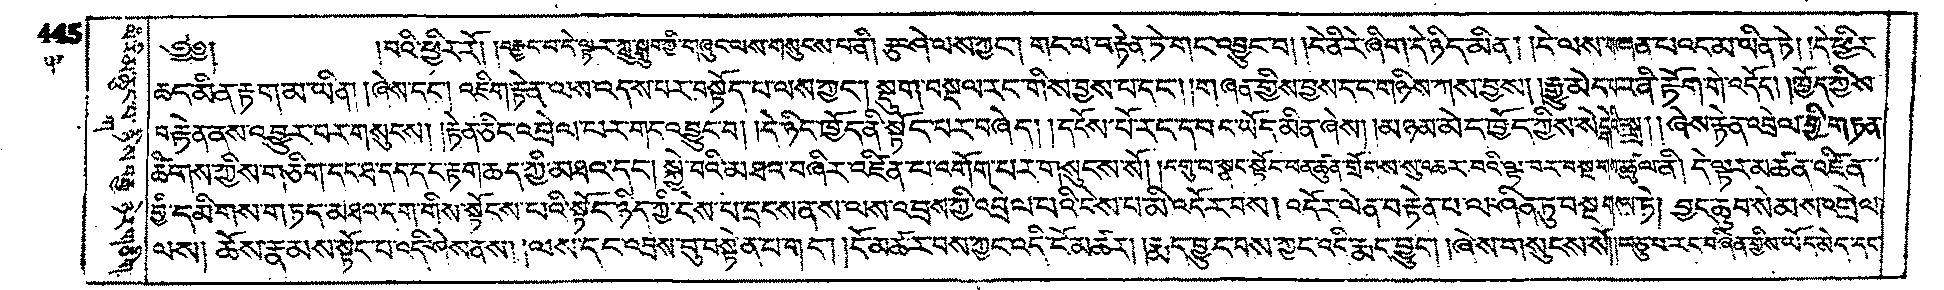༄༅། །བའི་ཕྱིར་རོ། །བརྒྱད་པ་དེ་ལྟར་ཀླུ་སྒྲུབ་ཀྱི་གཞུང་ལས་གསུངས་པ་ནི།  རྩ་ཤེ་ལས་ཀྱང་། གང་ལ་བརྟེན་ཏེ་གང་འབྱུང་བ། །དེ་ནི་རེ་ཞིག་དེ་ཉིད་མིན། །དེ་ལས་གཞན་པའང་མ་ཡིན་ཏེ། །དེ་ཕྱིར་
ཆད་མིན་རྟག་མ་ཡིན། །ཞེས་དང་། འཇིག་རྟེན་ལས་འདས་པར་བསྟོད་པ་ལས་ཀྱང་། སྡུག་བསྔལ་རང་གིས་བྱས་པ་དང་། །གཞན་གྱིས་བྱས་དང་གཉིས་ཀས་བྱས། །རྒྱུ་མེད་པར་ནི་རྟོག་གེ་འདོད། །ཁྱོད་ཀྱིས་
བརྟེན་ནས་འབྱུར་བར་གསུངས། །རྟེན་ཅིང་འབྲེལ་པར་གང་འབྱུང་བ། །དེ་ཉིད་ཁྱོད་ནི་སྟོད་པར་བཞེད། །དངོས་པོ་རང་དབང་ཡོད་མིན་ཞེས། །མཉམ་མེད་ཁྱོད་ཀྱིས་སེངྒེའི་སྒྲ། །ཞེས་རྟེན་འབྲེལ་གྱི་གཏན་
ཚིགས་ཀྱིས་གཅིག་དང་ཐ་དད་དང་རྟག་ཆད་ཀྱི་མཐའ་དང་། སྐྱེ་བའི་མཐའ་བཞིར་འཛིན་པ་འགོག་པར་གསུངས་སོ། །དགུ་པ་སྣང་སྟོང་ཕན་ཚུན་གྲོགས་སུ་འཆར་བའི་ལྟ་བར་བསྔགས་ཚུལ་ནི།  དེ་ལྟར་མཚན་འཛིན་
གྱི་དམིགས་གཏད་མཐའ་དག་གིས་སྟོངས་པའི་སྟོང་ཉིད་ཀྱི་ངེས་པ་དྲངས་ནས་ལས་འབྲས་ཀྱི་འབྲེལ་པའི་ངེས་པ་མི་འདོར་བས། འདོར་ལེན་བརྟེན་པ་ལ་ཤིན་ཏུ་བསྔགས་ཏེ། བྱང་ཆུབ་སེམས་འགྲེལ་
ལས། ཆོས་རྣམས་སྟོང་པ་འདི་ཤེས་ནས། །ལས་དང་འབྲས་བུ་བསྟེན་པ་གང་། །ངོ་མཚར་བས་ཀྱང་འདི་ངོ་མཚར། །རྨད་བྱུང་བས་ཀྱང་འདི་རྨད་བྱུང་། །ཞེས་གསུངས་སོ། །བཅུ་པ་རང་བཞིན་གྱིས་ཡོད་མེད་དང་